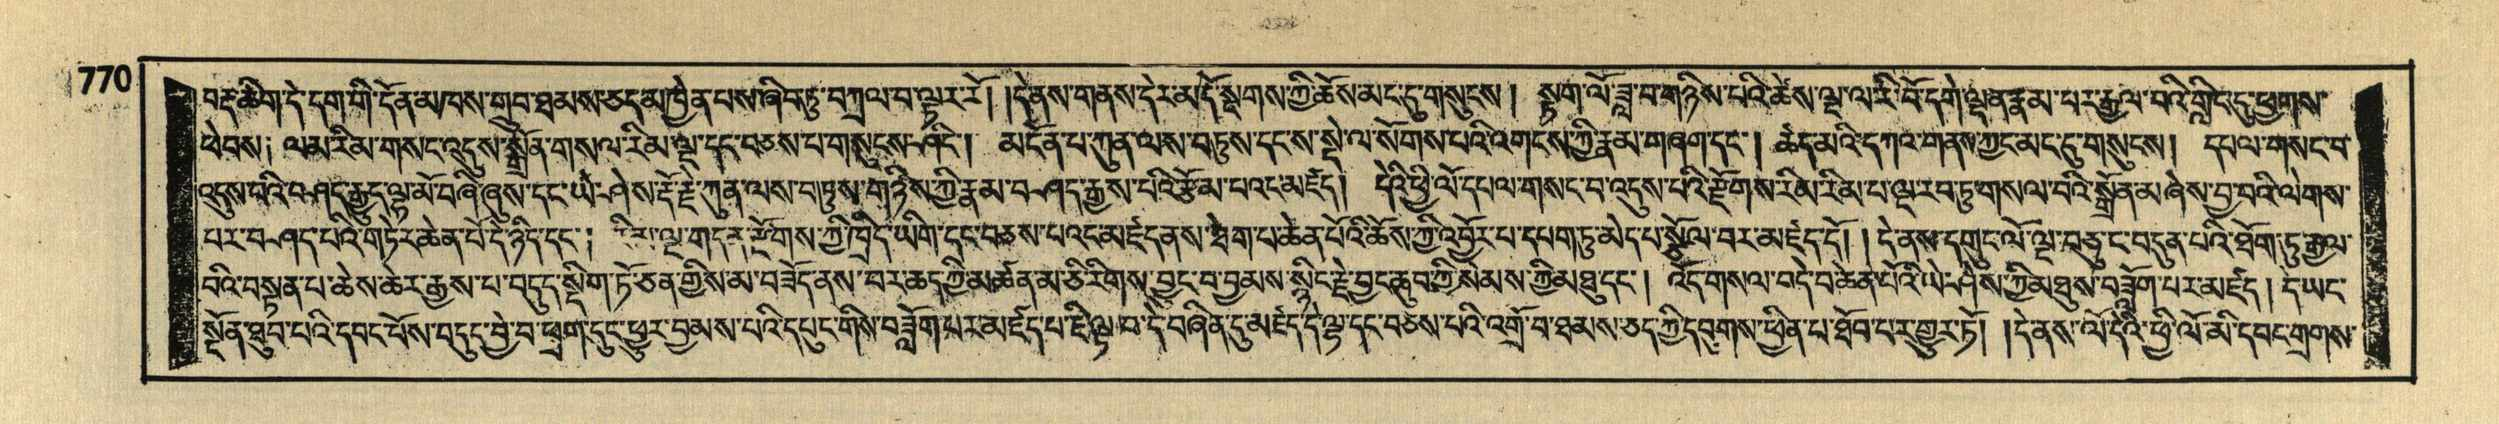བརྡ་ཆིག་དེ་དག་གི་དོན་མཁས་གྲུབ་ཐམས་ཅད་མཁྱེན་པས་ཞིབ་ཏུ་བཀྲལ་བ་ལྟར་རོ། །དེ་ནས་གནས་དེར་མདོ་སྔགས་ཀྱི་ཆོས་མང་དུ་གསུངས། སྟག་ལོ་ཟླ་བ་གཉིས་པའི་ཚེས་ལྔ་ལ་རི་བོ་དགེ་ལྡན་རྣམ་པར་རྒྱལ་བའི་གླིང་དུ་ཕྱགས་
ཕེབས༑ ལམ་རིམ་གསང་འདུས་སྒྲོན་གསལ་རིམ་ལྔ་དང་བཅས་པ་གསུངས་ཤིང་། མངོན་པ་ཀུན་ལས་བཏུས་དང་ས་སྡེ་ལ་སོགས་པའི་འགངས་ཀྱི་རྣམ་གཞག་དང་། ཚད་མའི་དཀའ་གནས་ཀྱང་མང་དུ་གསུངས། དཔལ་གསང་བ་
འདུས་པའི་བཤད་རྒྱུད་ལྷ་མོ་བཞི་ཞུས་དང་ཡེ་ཤེས་རྡོ་རྗེ་ཀུན་ལས་བཏུས་གཉིས་ཀྱི་རྣམ་བཤད་རྒྱས་པའི་རྩོམ་པའང་མཛད། དེའི་ཕྱི་ལོ་དཔལ་གསང་བ་འདུས་པའི་རྫོགས་རིམ་རིམ་པ་ལྔ་རབ་ཏུ་གསལ་བའི་སྒྲོན་མ་ཞེས་བྱ་བའི་ལེགས་
པར་བཤད་པའི་གཏེར་ཆེན་པོ་དེ་ཉིད་དང་། རིམ་ལྔ་གདན་རྫོགས་ཀྱི་ཁྲིད་ཡིག་དང་བཅས་པའང་མཛད་ནས་ཐེག་པ་ཆེན་པོའི་ཆོས་ཀྱི་འབྱོར་པ་དཔག་ཏུ་མེད་པ་སྩོལ་བར་མཛད་དོ། །དེ་ནས་དགུང་ལོ་ལྔ་བཅུ་ང་བདུན་པའི་ཐོག་ཏུ་རྒྱལ་
བའི་བསྟན་པ་ཆེས་ཆེར་རྒྱས་པ་བདུད་སྡིག་ཏོ་ཅན་གྱིས་མ་བཟོད་ནས་བར་ཆད་ཀྱི་མཚན་མ་ཅི་རིགས་བྱུང་བ་བྱམས་སྙིང་རྗེ་བྱང་ཆུབ་ཀྱི་སེམས་ཀྱི་མཐུ་དང་། འོད་གསལ་བདེ་བ་ཆེན་པོའི་ཡེ་ཤེས་ཀྱི་མཐུས་བཟློག་པར་མཛད། དེ་ཡང་
སྔོན་ཐུབ་པའི་དབང་པོས་བདུད་བྱེ་བ་ཕྲག་དུང་ཕྱུར་བྱམས་པའི་དཔུང་གིས་བཟློག་པར་མཛད་པ་ཇི་ལྟ་བ་དེ་བཞིན་དུ་མཛད་དེ་ལྷ་དང་བཅས་པའི་འགྲོ་བ་ཐམས་ཅད་ཀྱི་དབུགས་ཕྱིན་པ་ཐོབ་པར་གྱུར་ཏོ། །དེ་ནས་ལོ་དེའི་ཕྱི་ལོ་མི་དབང་གྲགས་